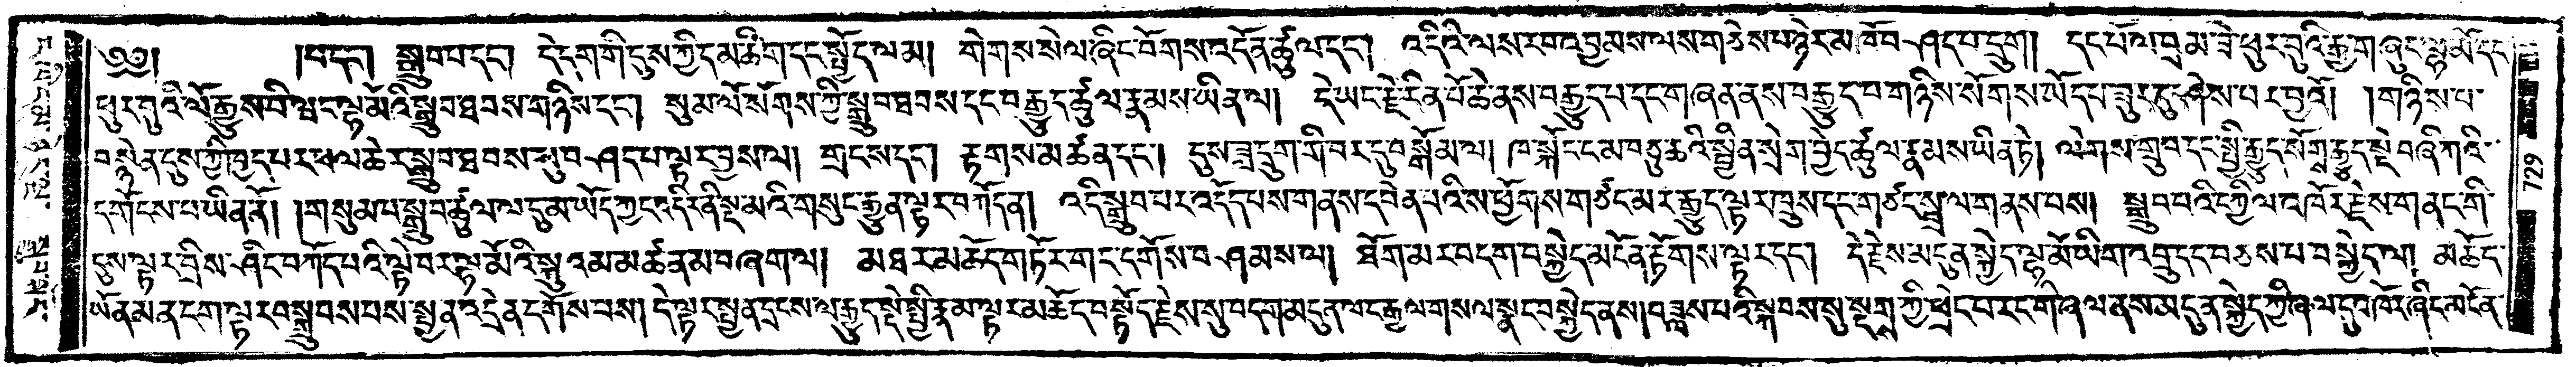༄༅། །པ་དང་། སྒྲུབ་པ་དང་། དེ་དག་གི་དུས་ཀྱི་དམ་ཚིག་དང་སྤྱོད་ལམ། གེགས་སེལ་ཞིང་བོགས་འདོན་ཚུལ་དང་། འདིའི་ལས་རབ་འབྱམས་ལས་གཅེས་པ་ཉེར་མཁོ་བཤད་པ་དྲུག། དང་པོ་ལ་བྲམ་ཟེ་ཕུར་བུའི་རྒྱ་གཞུང་ལྷ་མོ་དང་
ཕུར་བུའི་ལོ་རྒྱུས་བི་ཝང་ལྷ་མོའི་སྒྲུབ་ཐབས་གཉིས་དང་། སུམ་ལོ་སོགས་ཀྱི་སྒྲུབ་ཐབས་དང་བརྒྱུད་ཚུལ་རྣམས་ཡིན་ལ། དེ་ཡང་རྗེ་རིན་པོ་ཆེ་ནས་བརྒྱུད་པ་དང་གཞན་ནས་བརྒྱུད་པ་གཉིས་སོགས་ཡོད་པ་ཟུར་དུ་ཤེས་པར་བྱའོ། །གཉིས་པ་
བསྙེན་དུས་ཀྱི་ཁྱད་པར་ཕལ་ཆེར་སྒྲུབ་ཐབས་སུ་བཤད་པ་ལྟར་བྱས་ལ། གྲངས་དང་། རྟགས་མཚན་དང་། དུས་ཟླ་དྲུག་གི་བར་དུ་བསྒོམ་ལ། ཁ་སྐོང་ངམ་བཅུ་ཆའི་སྦྱིན་སྲེག་བྱེད་ཚུལ་རྣམས་ཡིན་ཏེ། ལེགས་གྲུབ་དང་སྤྱི་རྒྱུད་སོགས་རྒྱུད་སྡེ་བཞི་ཀའི་
དགོངས་པ་ཡིན་ནོ། །གསུམ་པ་སྒུབ་ཚུལ་ལ་དུ་མ་ཡོད་ཀྱང་འདིར་ནི་སྔ་མའི་གསུང་རྒྱུན་ལྟར་བཀོད་ན། འདི་སྒྲུབ་པར་འདོད་པས་གནས་དཔེན་པའི་ས་ཕྱོགས་གཙང་མར་རྒྱུད་ལྟར་ཁྲུས་དང་གཙང་སྦྲལ་གནས་བས། སྒྲུབ་བའི་དཀྱིལ་འཁོར་རྗེས་གནང་གི་
དུས་ལྟར་བྲིས་ཤིང་བཀོད་པའི་ལྟེ་བར་ལྟ་མོའི་སྐུའམ་མཚན་མ་བཞག་ལ། མཐར་མཆོད་གཏོར་གང་དོགས་བཤམས་ལ། ཐོག་མར་བདག་བསྐྱེད་མངོན་རྟོགས་ལྟར་དང་། དེ་རྗེས་མདུན་སྐྱེད་ལྷ་མོ་ཡིག་འབྲུ་དང་བཅས་པ་བསྐྱེད་ལ། མཆོད་
ཡོན་མན་ངག་ལྟར་བསྒྲུབས་པས་སྤྱན་འདྲེན་དགོས་པས། དེ་ལྟར་སྤྱན་དྲངས་ལ་རྒྱུད་སྡེ་སྤྱི་རྣམ་ལྟར་མཆོད་བསྟོད་རྗེས་སུ་བདག་མདུན་ལ་བརྒྱལ་གསལ་སྣང་བསྐྱེད་ནས། བཟླས་པའི་སྐབས་སུ་སྔགས་ཀྱི་ཕྲེང་པ་རང་གི་ཞལ་ནས་མདུན་སྐྱེད་ཀྱི་ཞལ་དུ་འཁོར་ཞིང་མངོན་